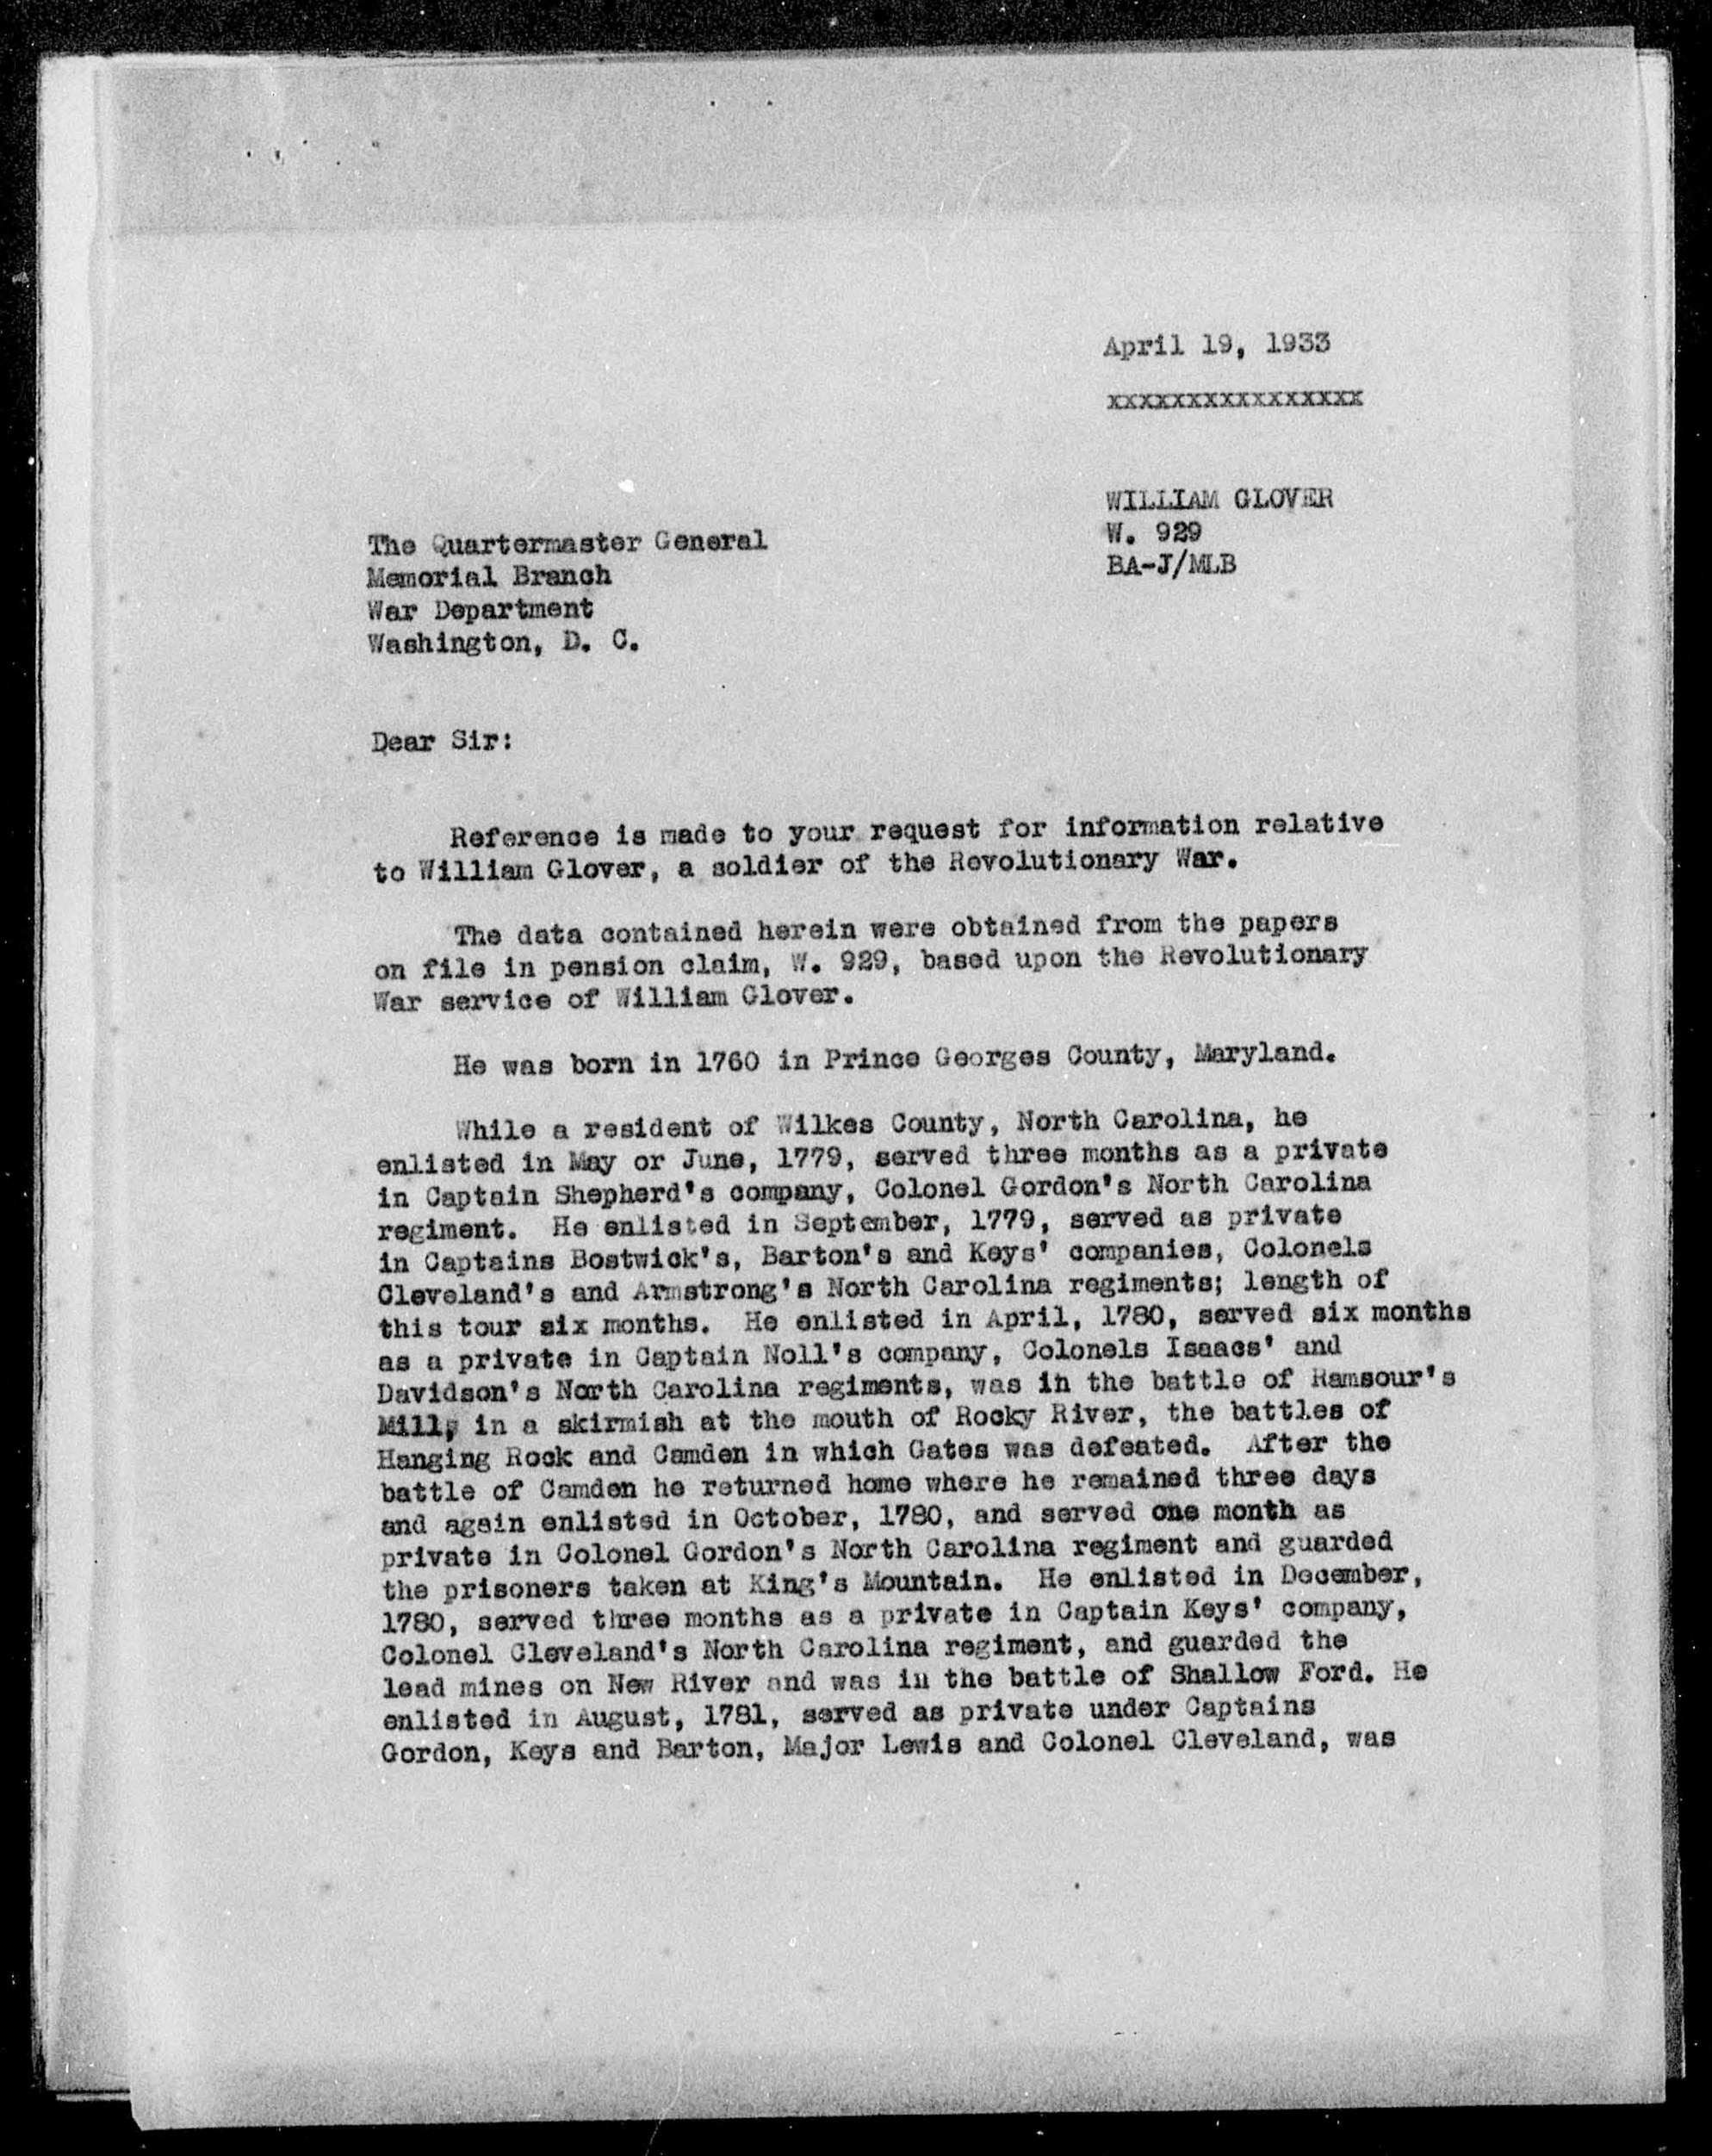April 19, 1933
xxxxxxxxxxxxxxxx
WILLIAM GLOVER
W. 929
BA-J/MLB

The Quartermaster General
Memorial Branch
War Department Washington, D. C.

Dear Sir:
Reference is made to your request for information relative to William Glover, a soldier of the Revolutionary War.
The data contained herein were obtained from the papers on file in pension claim, W 929, based upon the Revolutionary War service of William Glover.
He was born in 1760 in Prince Georges County, Maryland.
While a resident of Wilkes County, North Carolina, he enlisted in May or June 1779, served three onths as a private in Captain Shepherd's company, Colonel Gordon's North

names: Gordon, William Glover, William Glover, Barton, Keys, Cleveland, William Glover, Lewis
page: 50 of 51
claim: widow's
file: W. 929, William Glover, N.C.